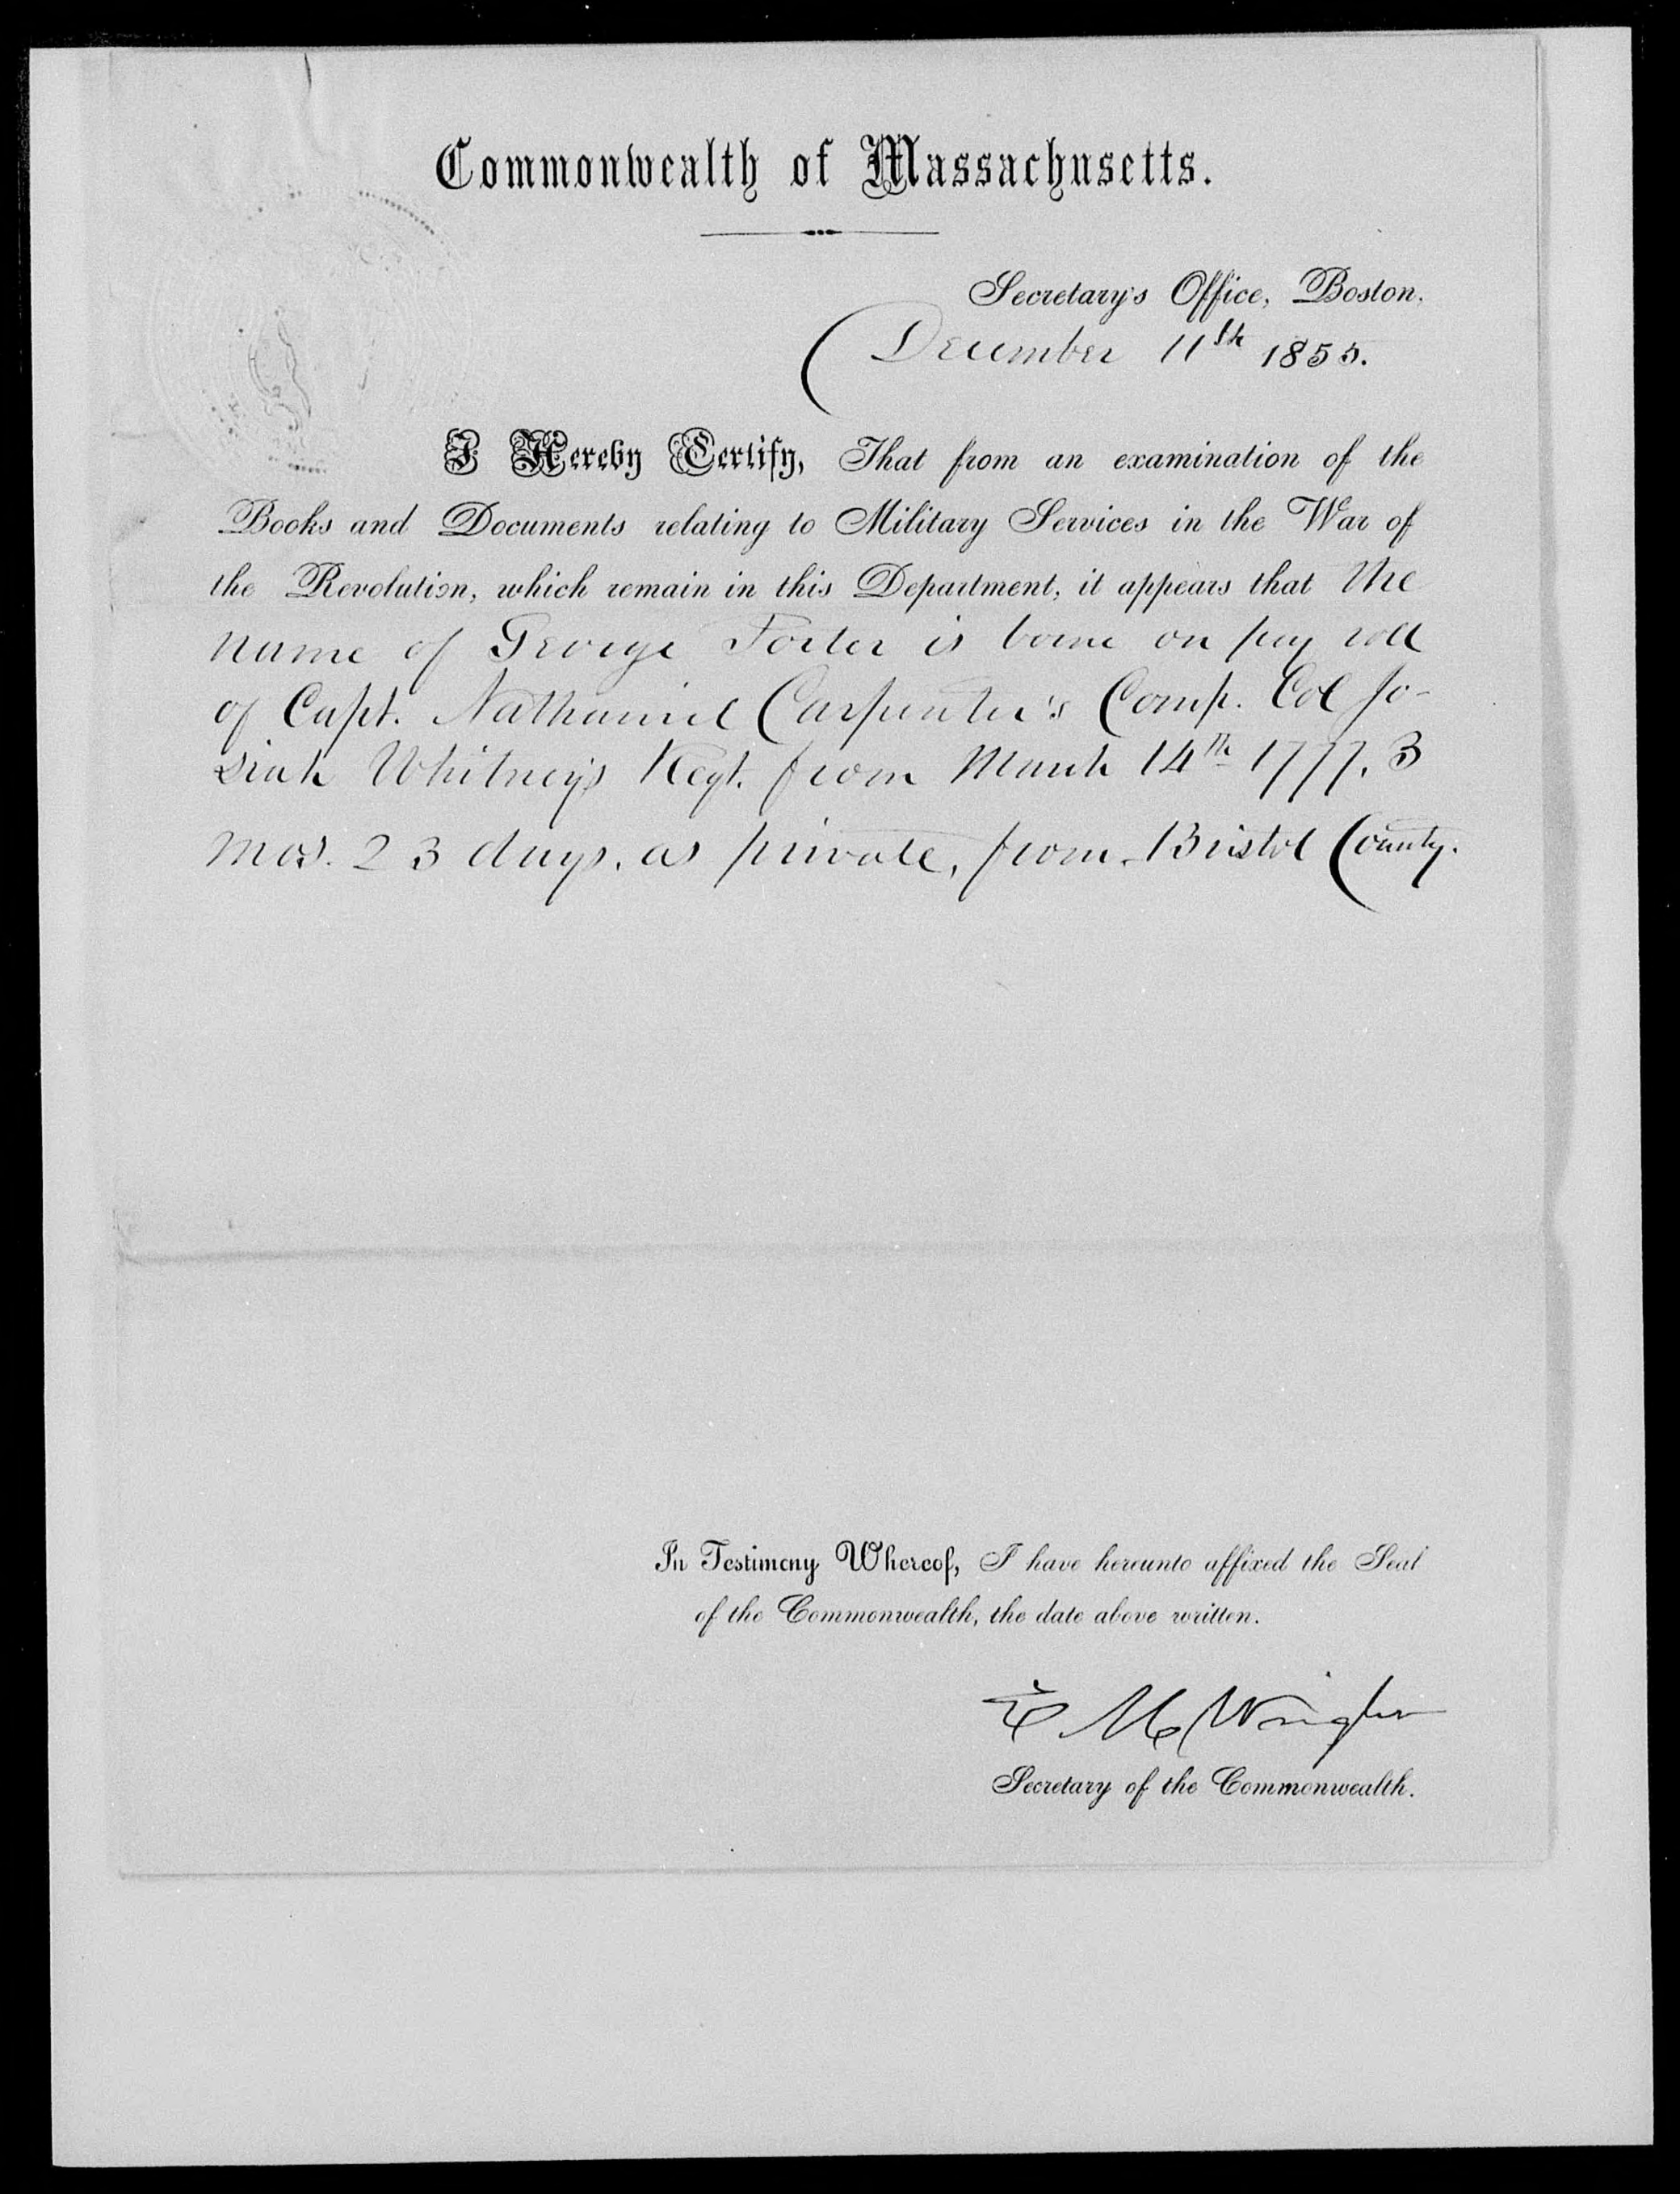Commonwealth of Massachusetts.
Secretary's Office, Boston
December 11th 1855
I Hereby Certify, That from an examination of the Books and Documents relating to Military Services in the War of the Revolution, which remain in this Department, it appears that the name of George Foster is borne on pay roll of Capt. Nathaniel Carpenter's Comp. Colo Josiah Whitney's Regt. from March 14th 1777, 3 mos. 23 days, as private, from Bristol County.

In Testimony Whereof, I have hereunto affixed the Seal of the Commonwealth, the date above written.
E M Wright
Secretary of the Commonwealth.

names: E M Wright; George Porter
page: 41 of 49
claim: widow's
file: W. 2164, for George Porter, Massachusetts